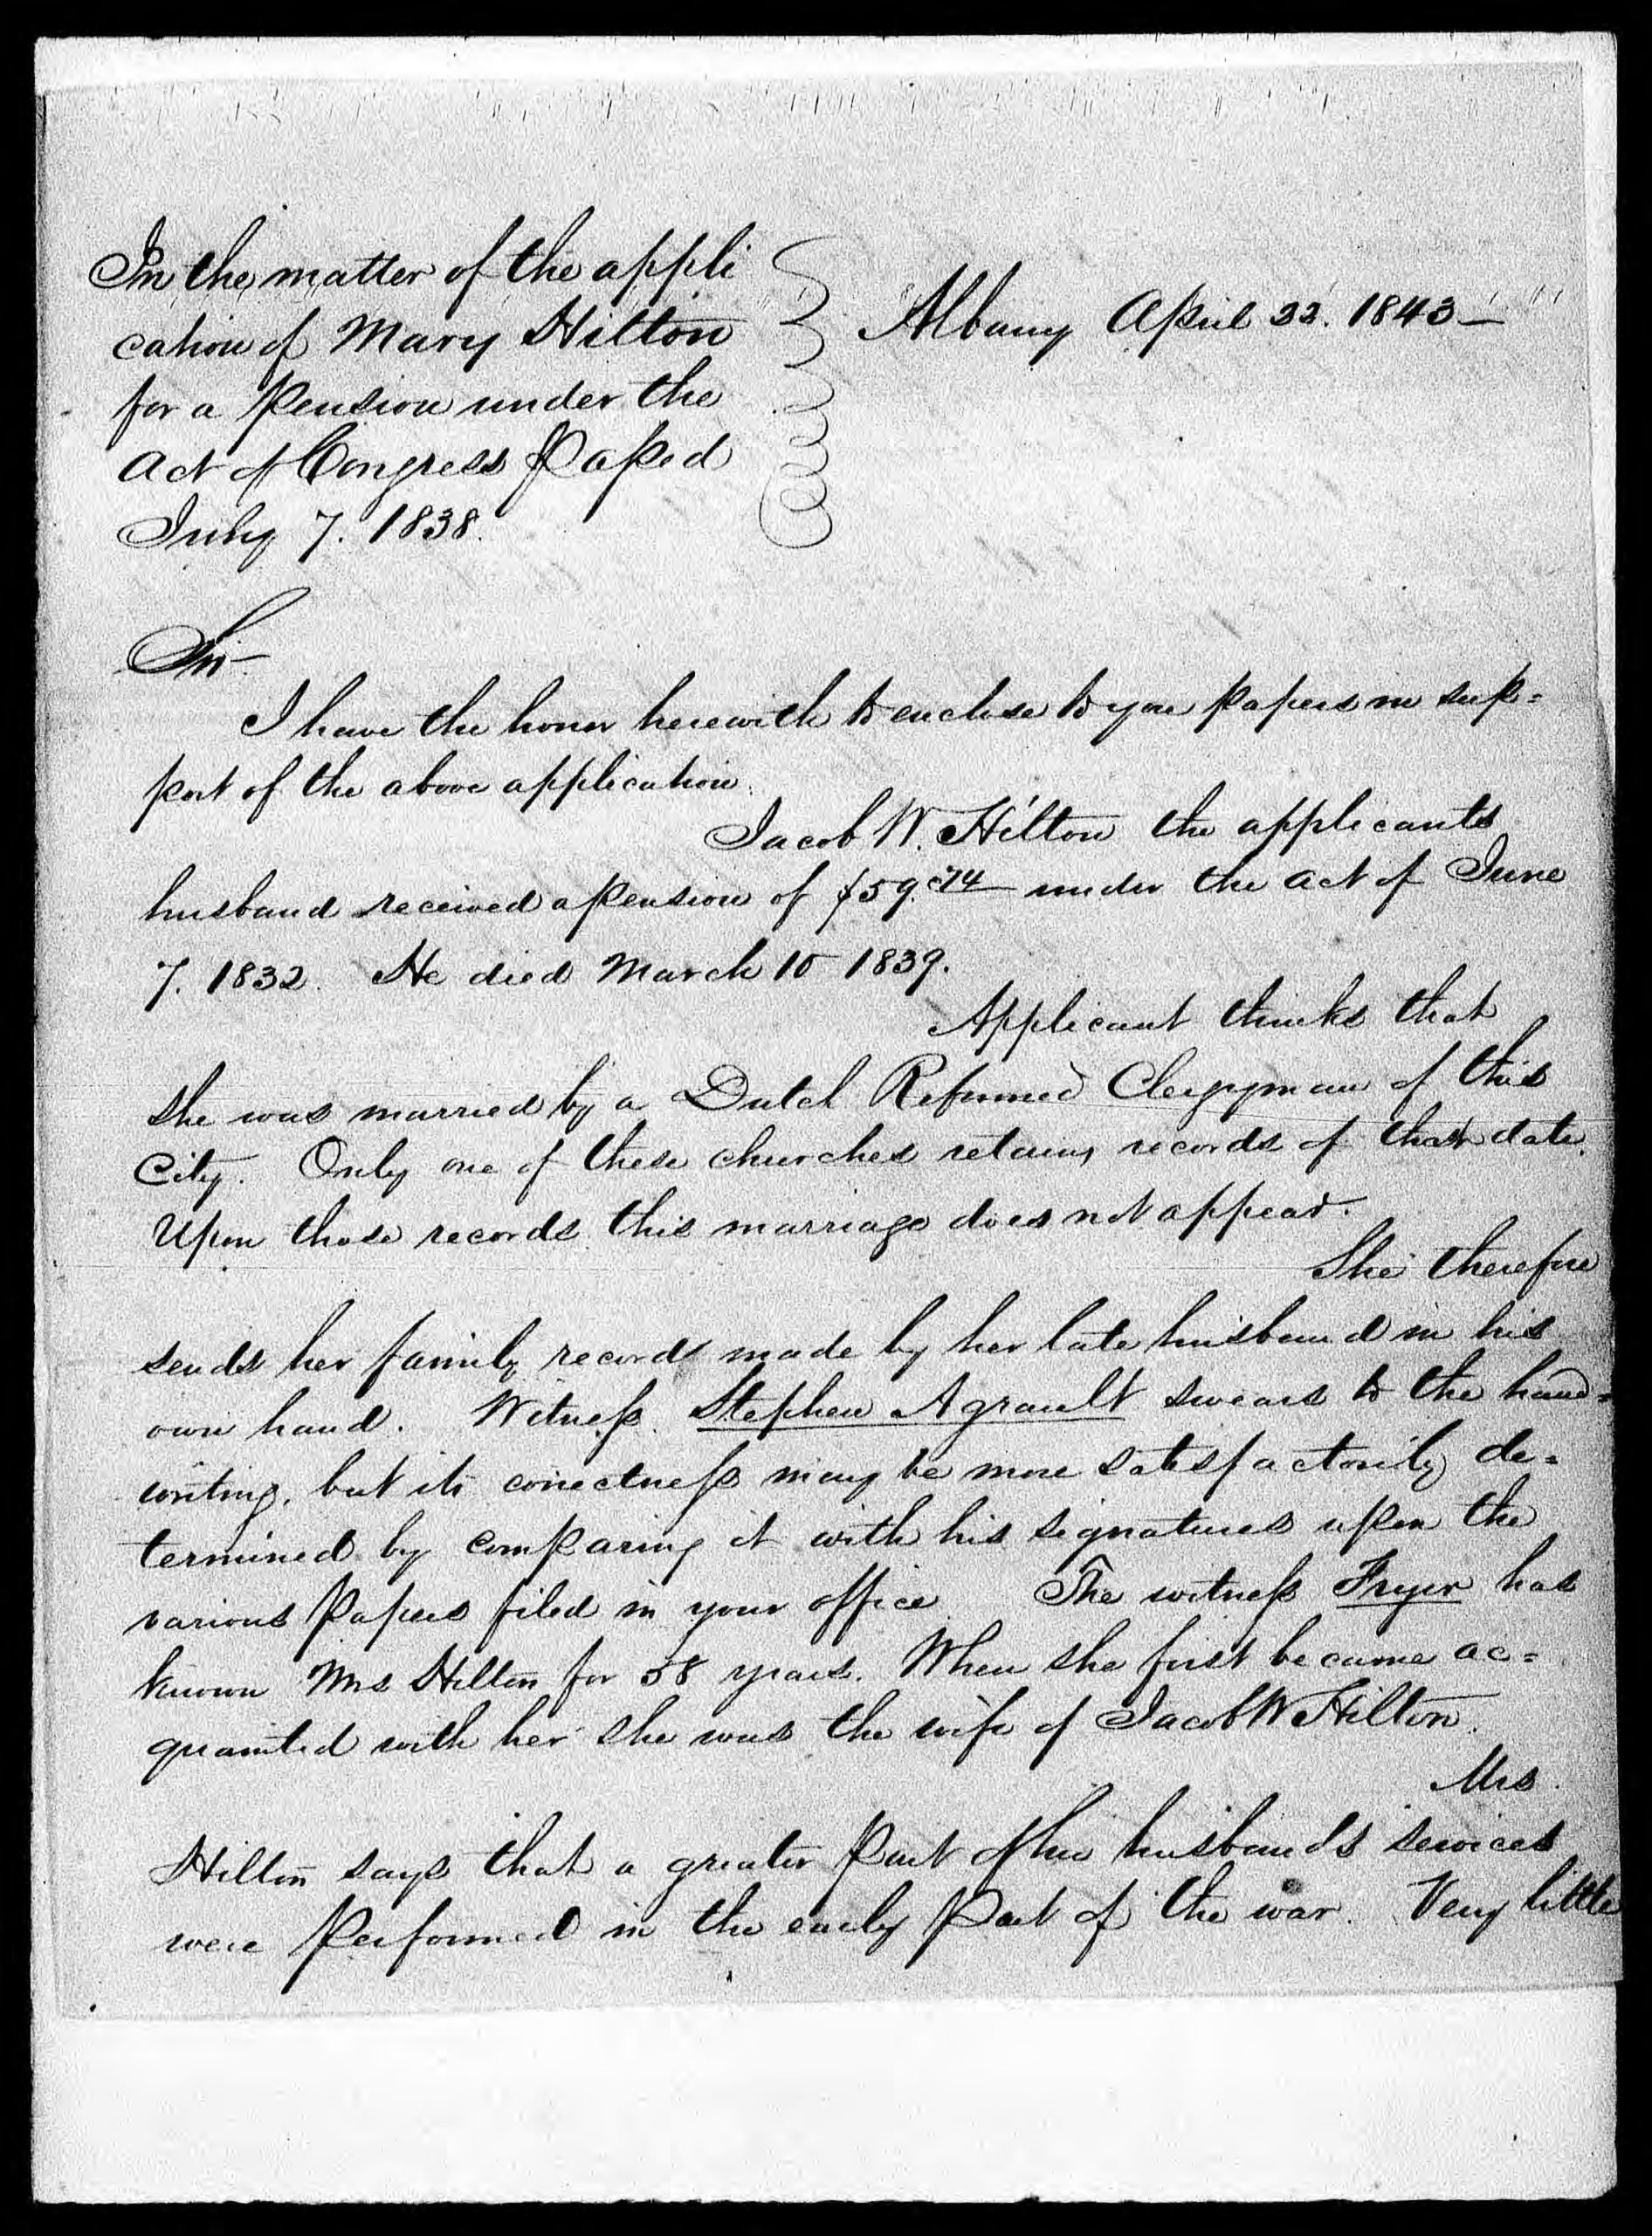In the matter of the application of Mary Hilton for a Pension under the Act of Congress Passed July 7 1838. 

Albany April 22 1843

Sir -

I have the honor herewith to enclose to you papers now sub-part of the above application. 

Jacob W. Hilton the applicants husband received a pension of $59.74 under the act of June 7 1832. He died March 10 1839. 

Applicant thinks that she was married by a Dutch Reformed Clergyman also of this City. Only one of these churches retains records of that date. Upon those records this marriage  does not appear. 

She therefore sends her family records made by her late husband in his own hand. Witness Stephen Agrault swears to the handwriting, but its correctness may be more satisfactorily determined by comparing it with his signatures upon the various papers filed in your office. The witness Fryer has known Mrs. Hilton for 58 years.  When she first became acquainted with her she was the wife of Jacob W. Hilton. 

Mrs. Hilton says that a greater part of her husbands services were performed in the early part of the war. Very little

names: Jacob W Hilton, Hilton, Mary Hilton, Fryer, Jacob W Hilton, Hilton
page: 38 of 48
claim: widow's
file: W. 19788, Jacob W Hilton, New York